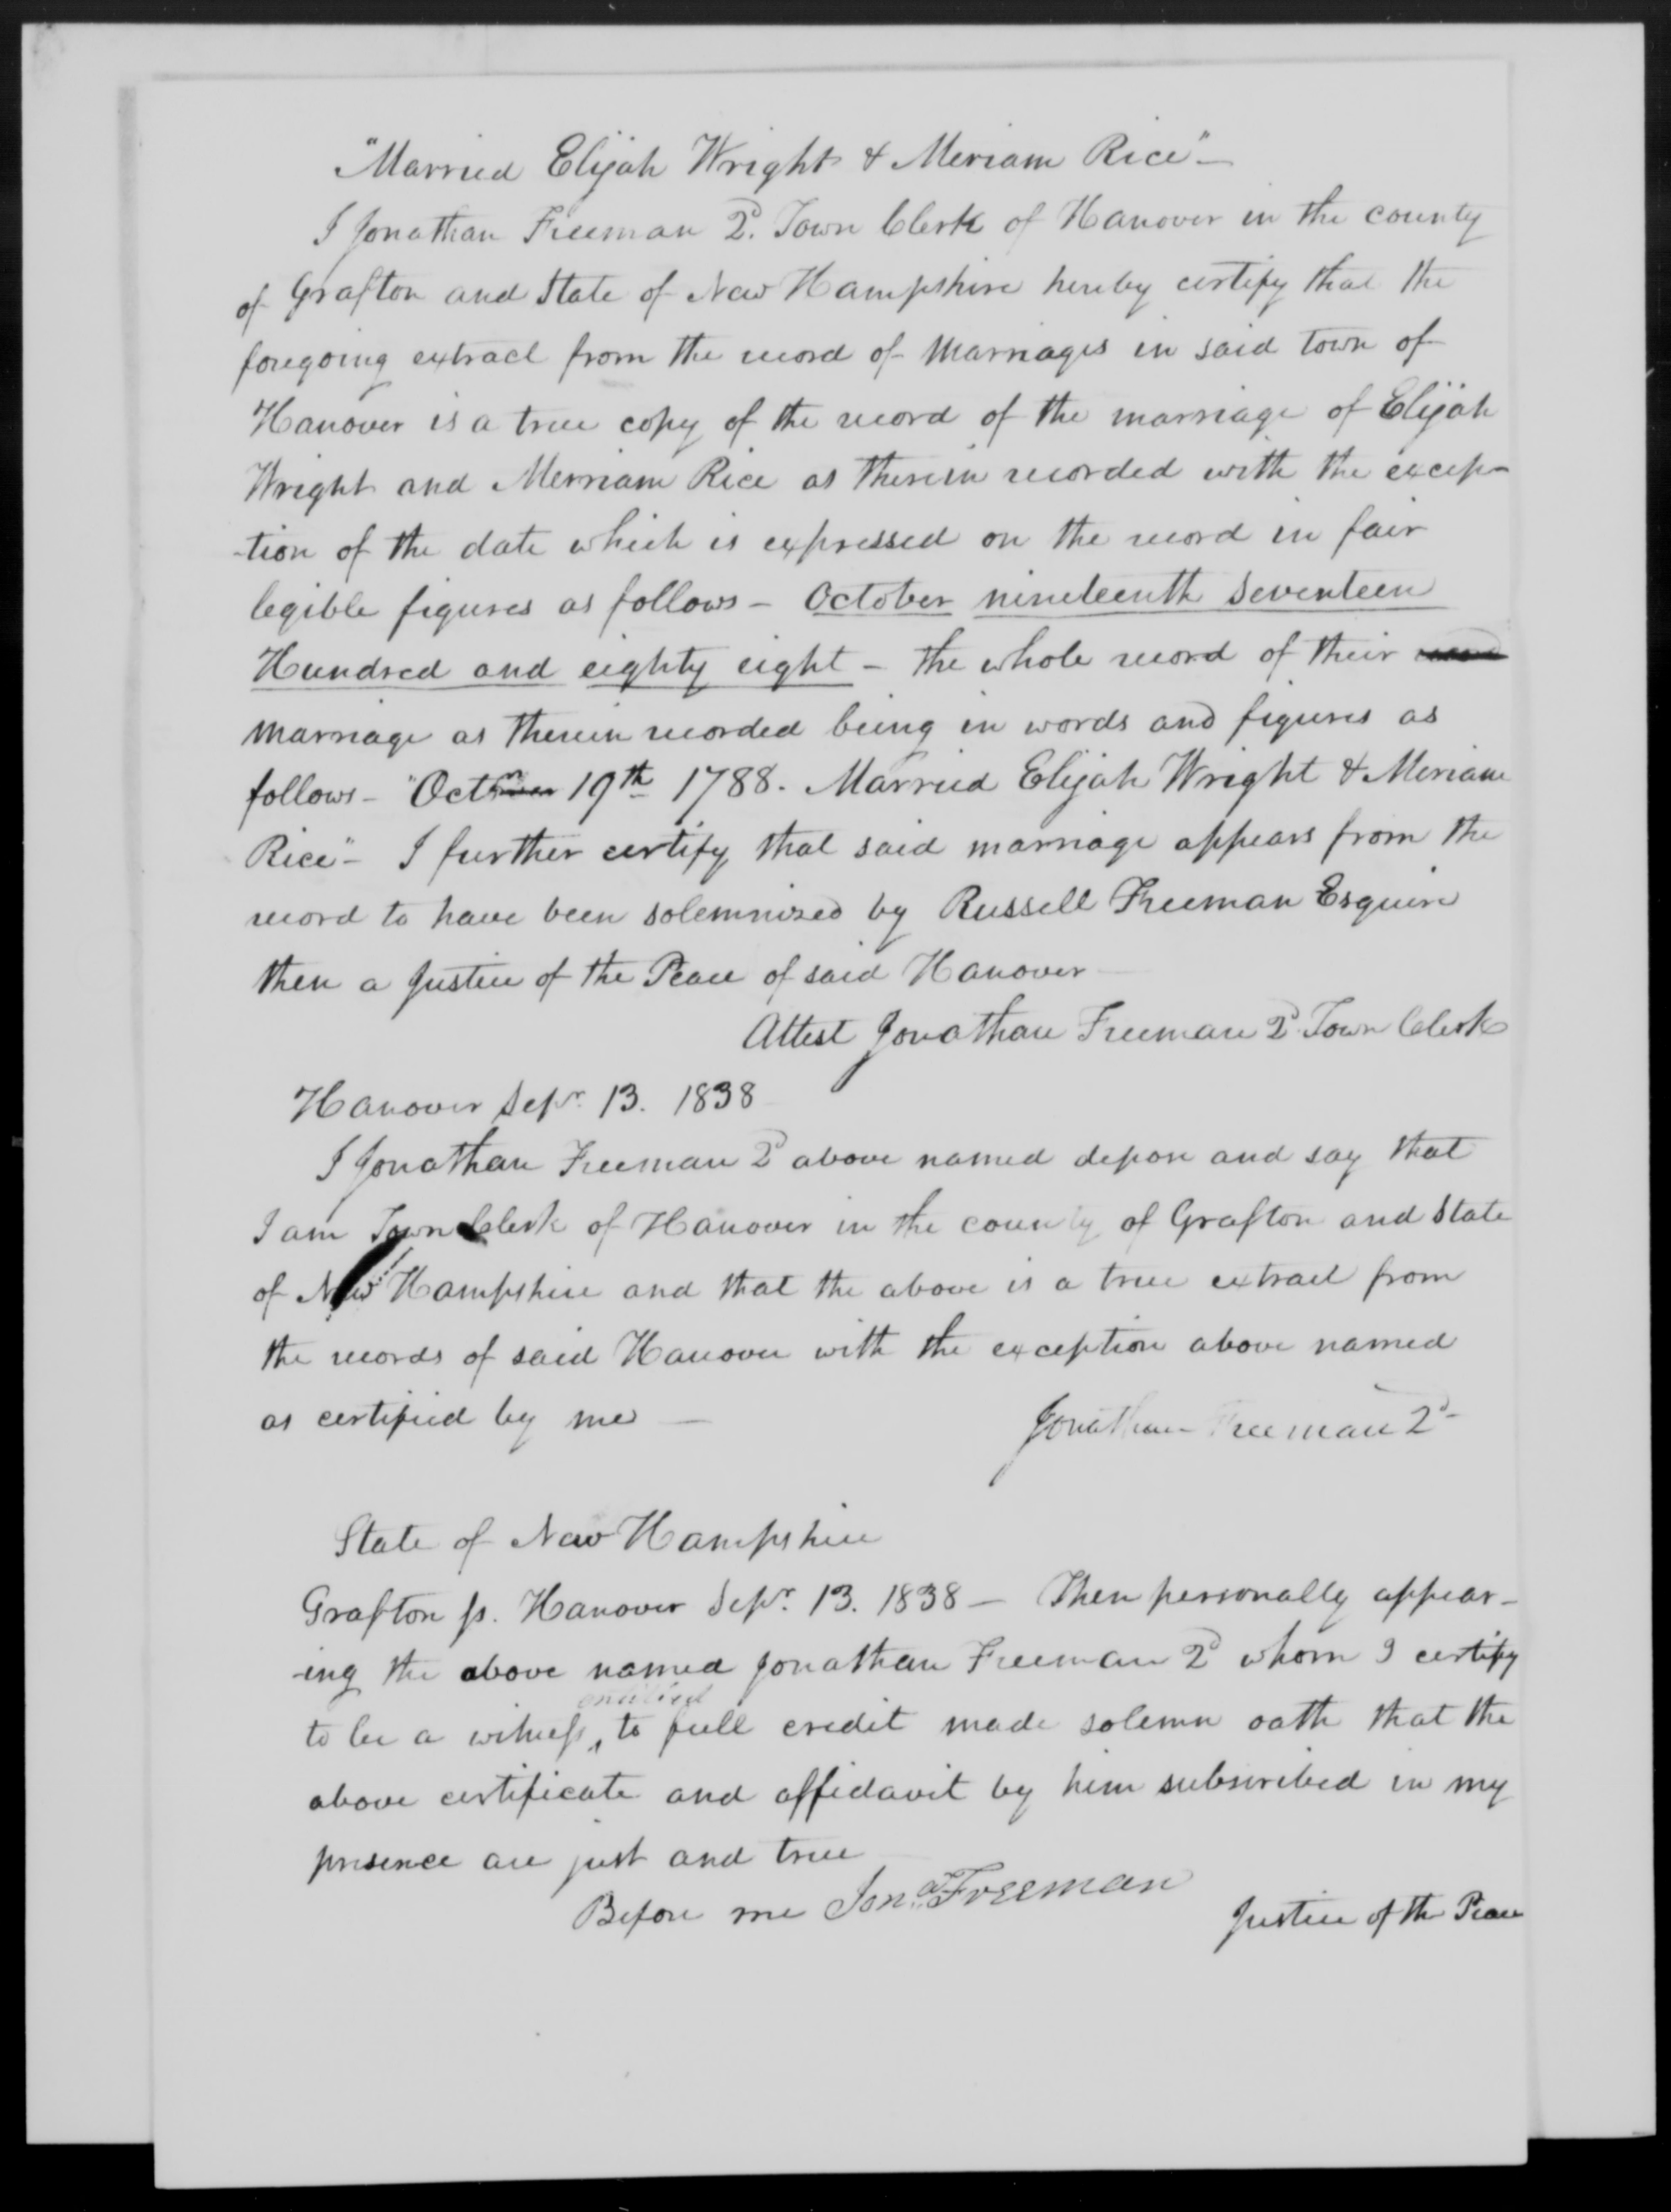Married Elijah Wright & Meriam Rice-
I Jonathan Freeman 2d Town Clerk of Hanover in the County
of Grafton and State of New Hampshire hereby certify that the
foregoing extract from the record of Marriages in said town of
Hanover is a true copy of the record of the marriage of Elijah
Wright and Merriam Rice as therein recorded with the excepttion of the date which is expressed on the record in fair legible
figures as follows- October nineteenth Seventeen
Hundred and eighty eight-- the whole record of their
marriage as therein recorded being in words and figures as
follows Oct 19th 1788. Married Elijah Wright & Meriam
Rice. I further certify that said marriage appears from the
record to have been solemnized by Russell Freeman Esquire
then a Justice of the Peace of said Hanover
Attest Jonathan Freeman 2d Town Clerk
Hanover Sepr 13. 1838
I Jonathan Freeman 2d above named depose and say that
I am Town Clerk of Hanover in the County of Grafton and State of
New Hampshire and that the above is a true extract from
the records of said Hanover with the exception above named
as certified by me
Jonathan Freeman 2d

State of New Hampshire
Grafton ss Hanover Sepr 13. 1838. Then personally appearing the above named Jonathan Freeman 2 whom I certify
to be a witness to full credit made solemn oath that the
above certificate and affidavit by him subscribed in my
presence are just and true
Before me Jona Freeman
Justice of the Peace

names: Russell Freeman, Jonathan Freeman, Merriam Rice, Meriam Rice, Elijah Wright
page: 10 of 26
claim: widow's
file: W. 26,137, Elijah Wright, N.H.